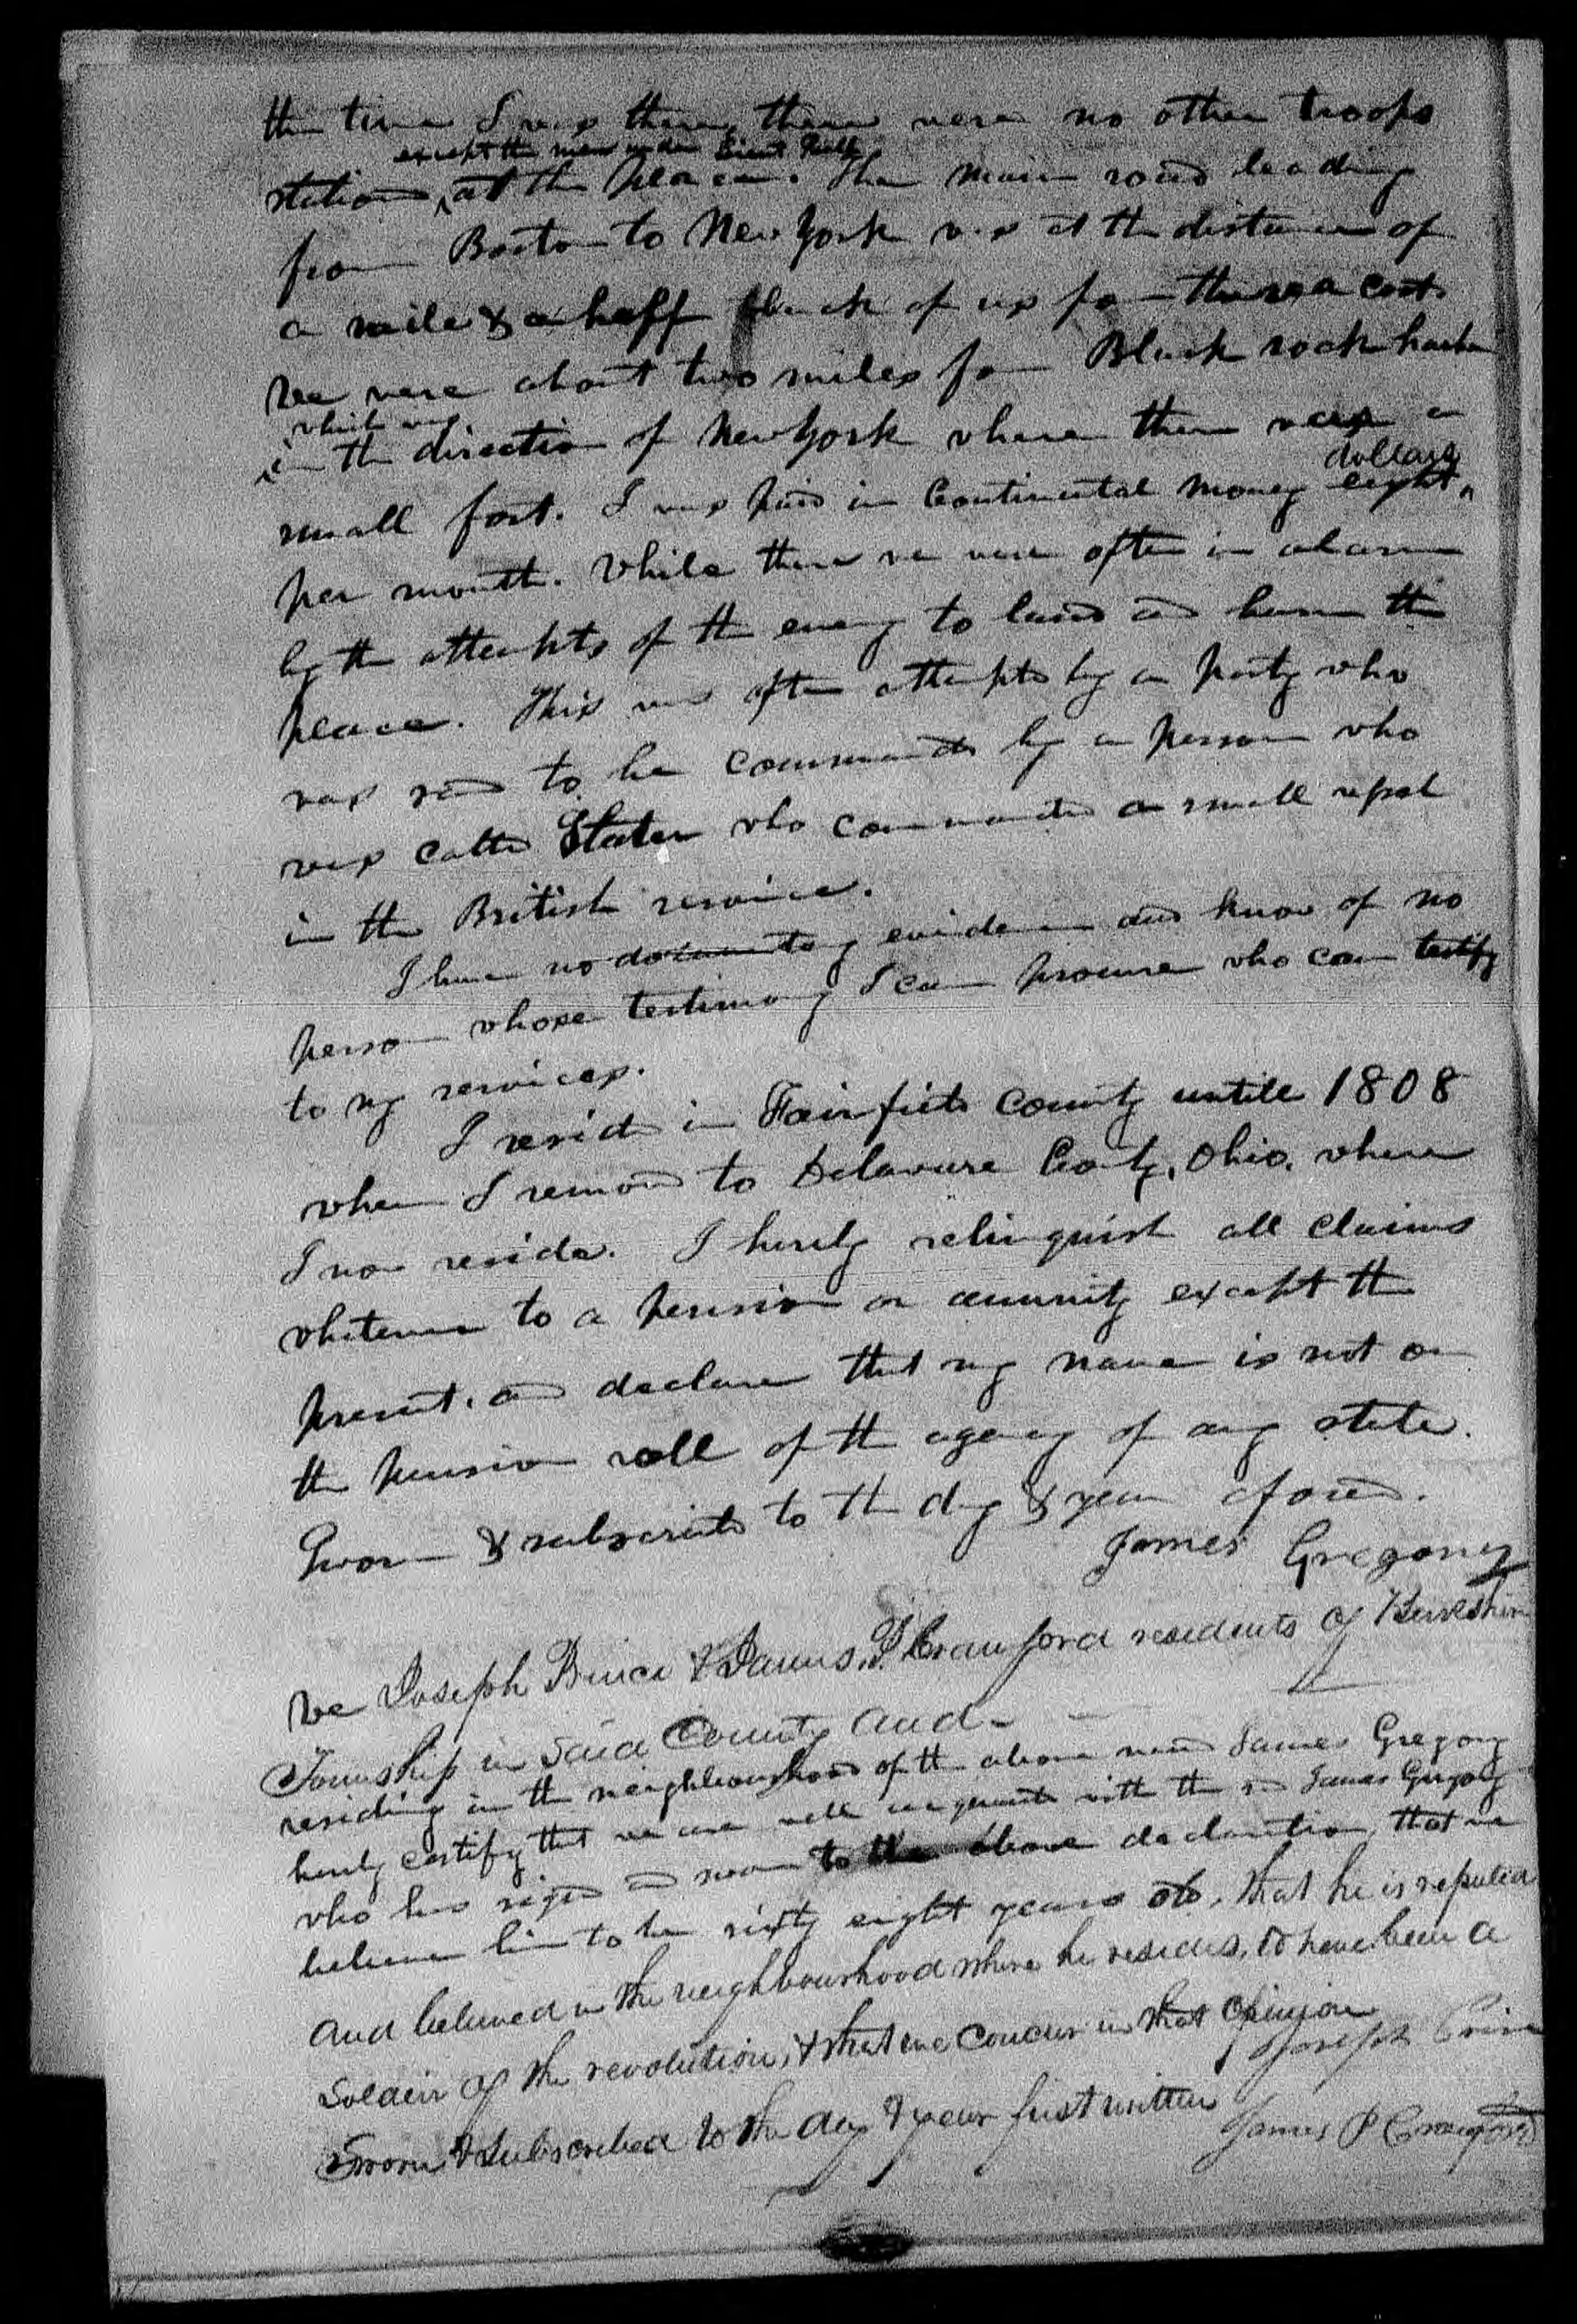the time I was there, there were no other troops stationed except men under Lieut Hall at the place. The main road leading from Boston to New York was at the distance of a mile & a half back of us farther a coast rec were about two miles to Black Rick harbor which was in the direction of New York where there was a small fort. I was paid in Continental money eight dollars per month. Where there were often in alarm by the attempts of the enemy to land and have this place. This was often attempts by a party what was said to be commanded by a person who was called Stater who commands a small ressat?? in the British service.
I have no documentary evidence and know of no person who can testify to my services.
I resided in Fairfield County until 108 when I removed to Delaware Coty. Ohio. where I now reside. I hereby relinquish all claims whatever to a pension or annuity except the present and declare that my name is not on the pension roll of the agency of any state.
Sworn & subscribed to the day & year aforesaid.
James Gregory

We Joseph Prince & James P. Crawford residents of Berkshire Township in said county and (large blank space) residing in the neighborhood of the above named James Gregory hereby certify that we are well acquainted with the said James Gregory who has signed and sworn to the above declaration, that we believe him to be sixty eight years old, that he is reputed and believed in the neighbourhood where he resides to have been a soldier of the revolution,& that we concur in that opinion.
Sworn & Subscribed to the day & year first written.
James P. Crawford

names: James P Crawford, James P Crawford, Joseph Prince, James Gregory, James Gregory, James Gregory, Joseph Prince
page: 5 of 27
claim: survivor's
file: S. 17445, James Gregory, Conn.